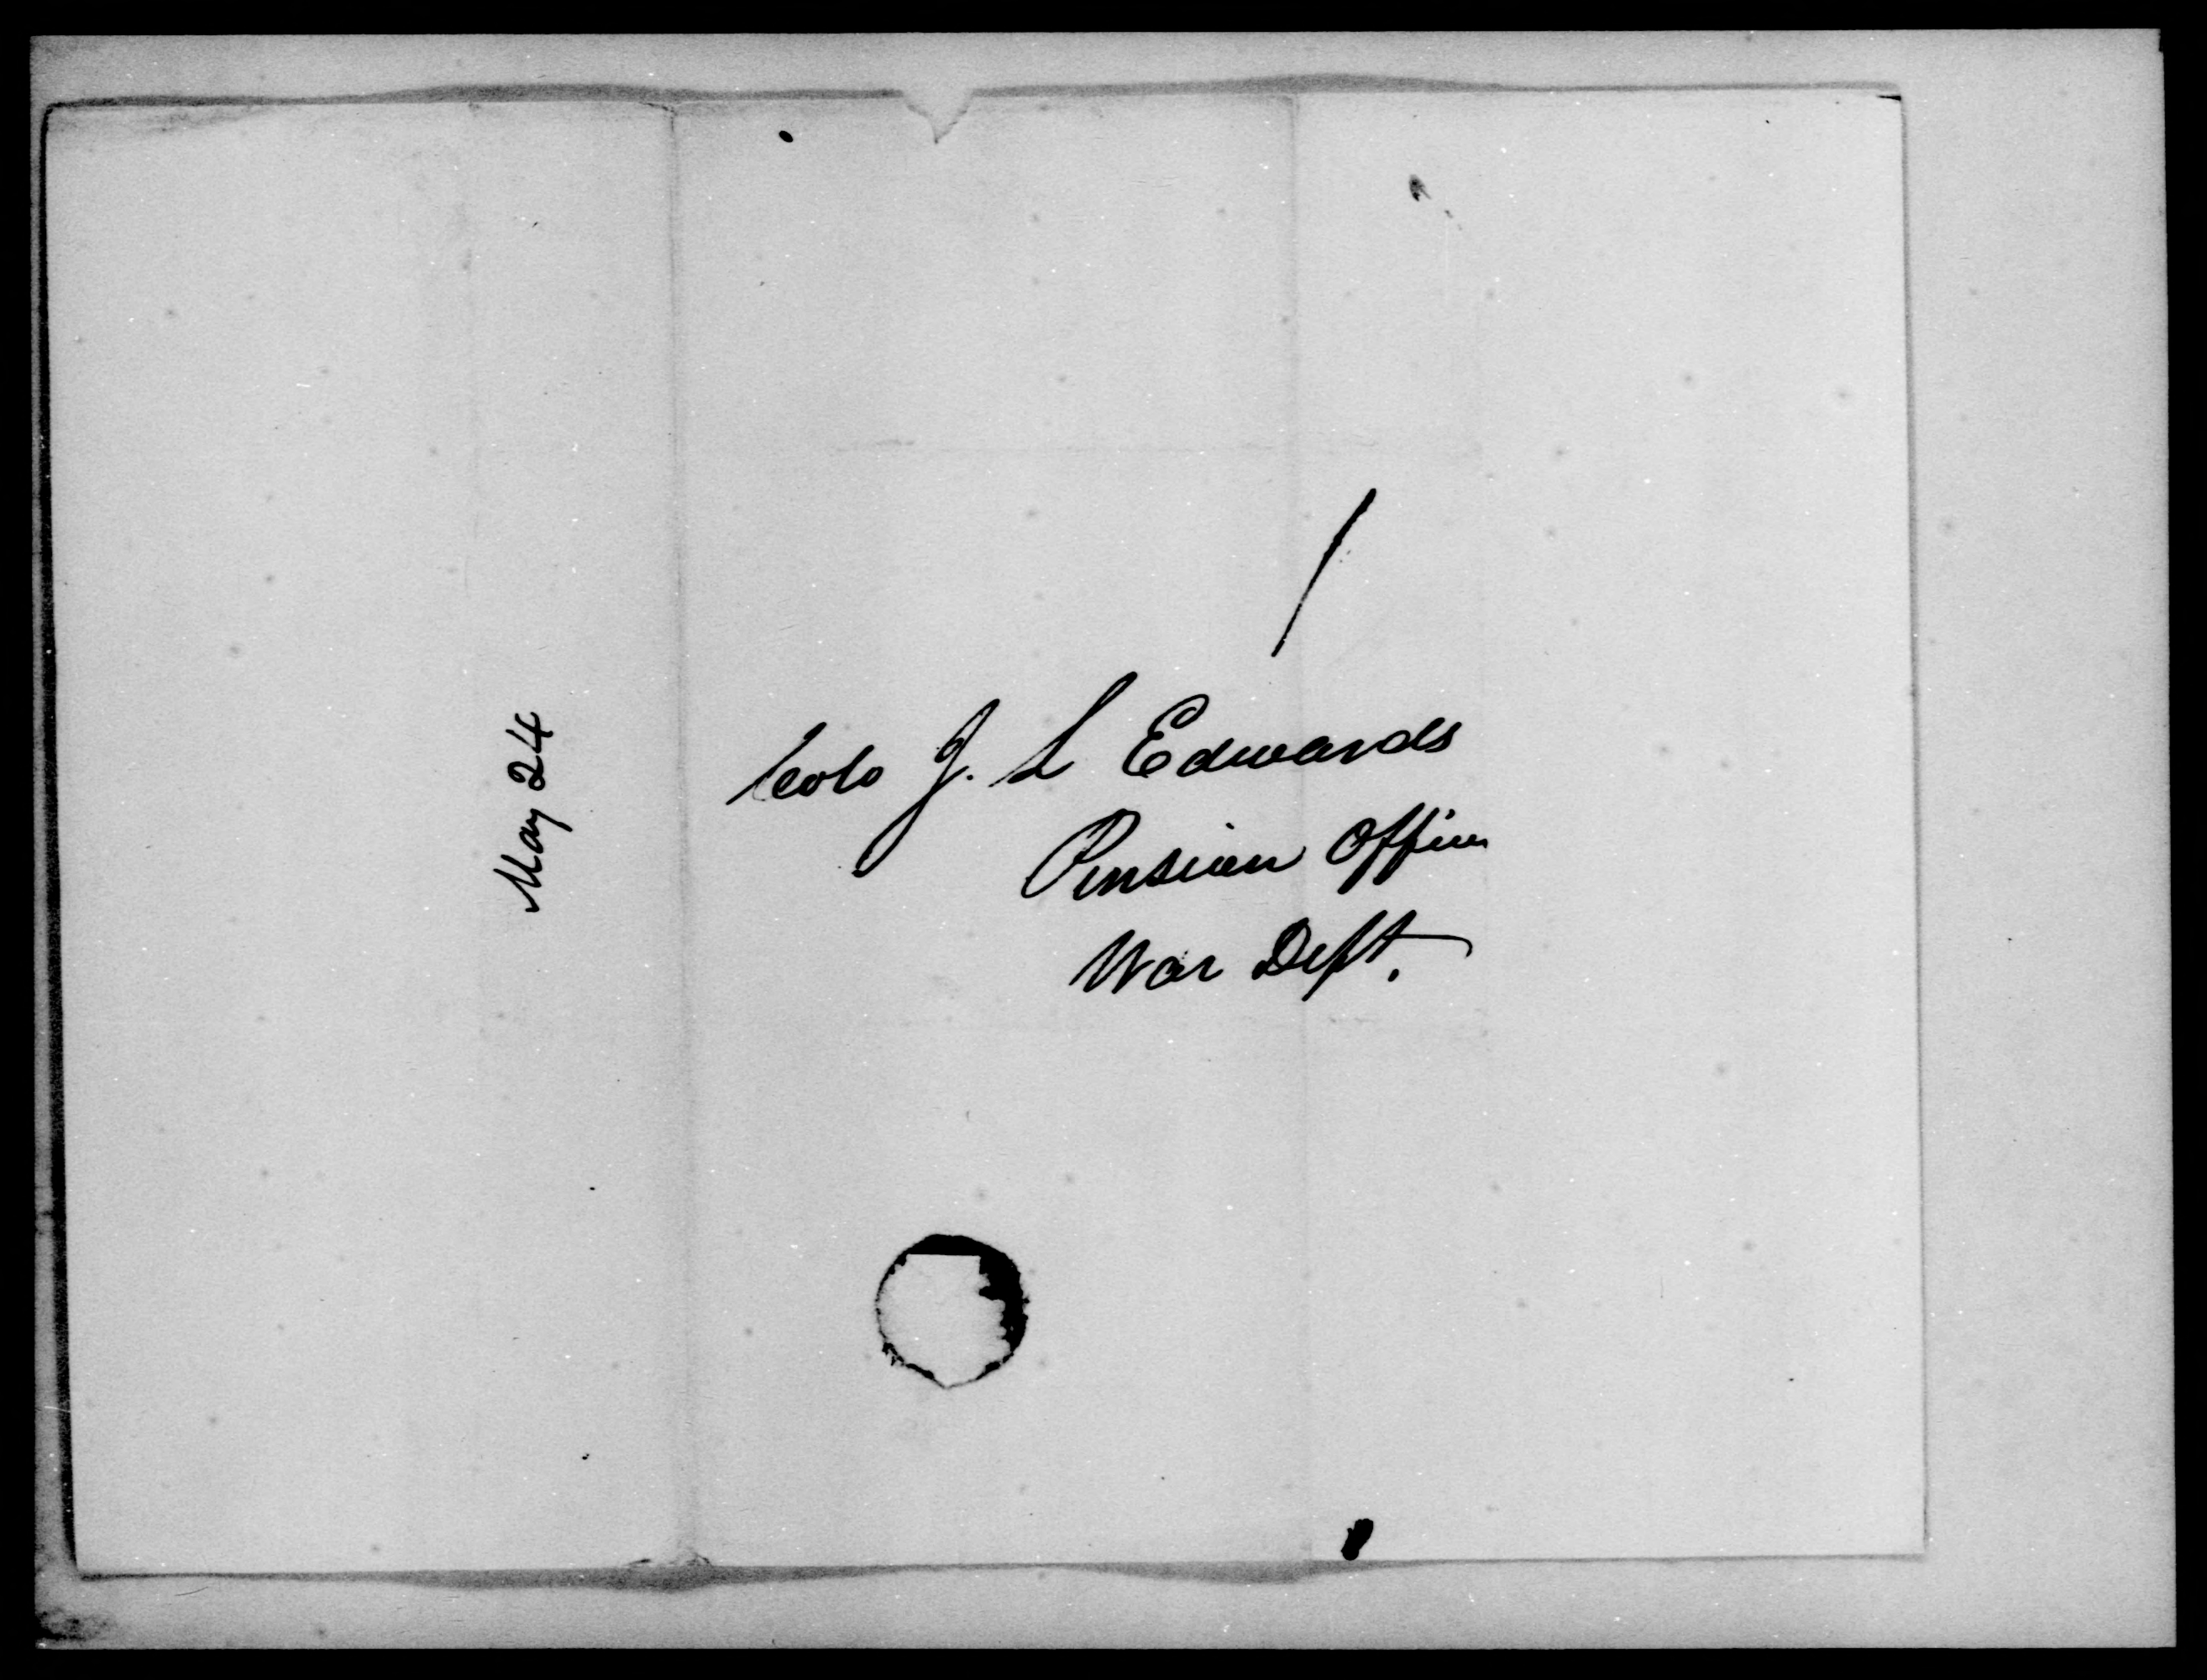May 24
[leolo?] J. L. Edwards
Pension Office
War Dept.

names: J L Edwards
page: 55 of 87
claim: widow's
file: W. 25,966, Moses Weld, Mass.